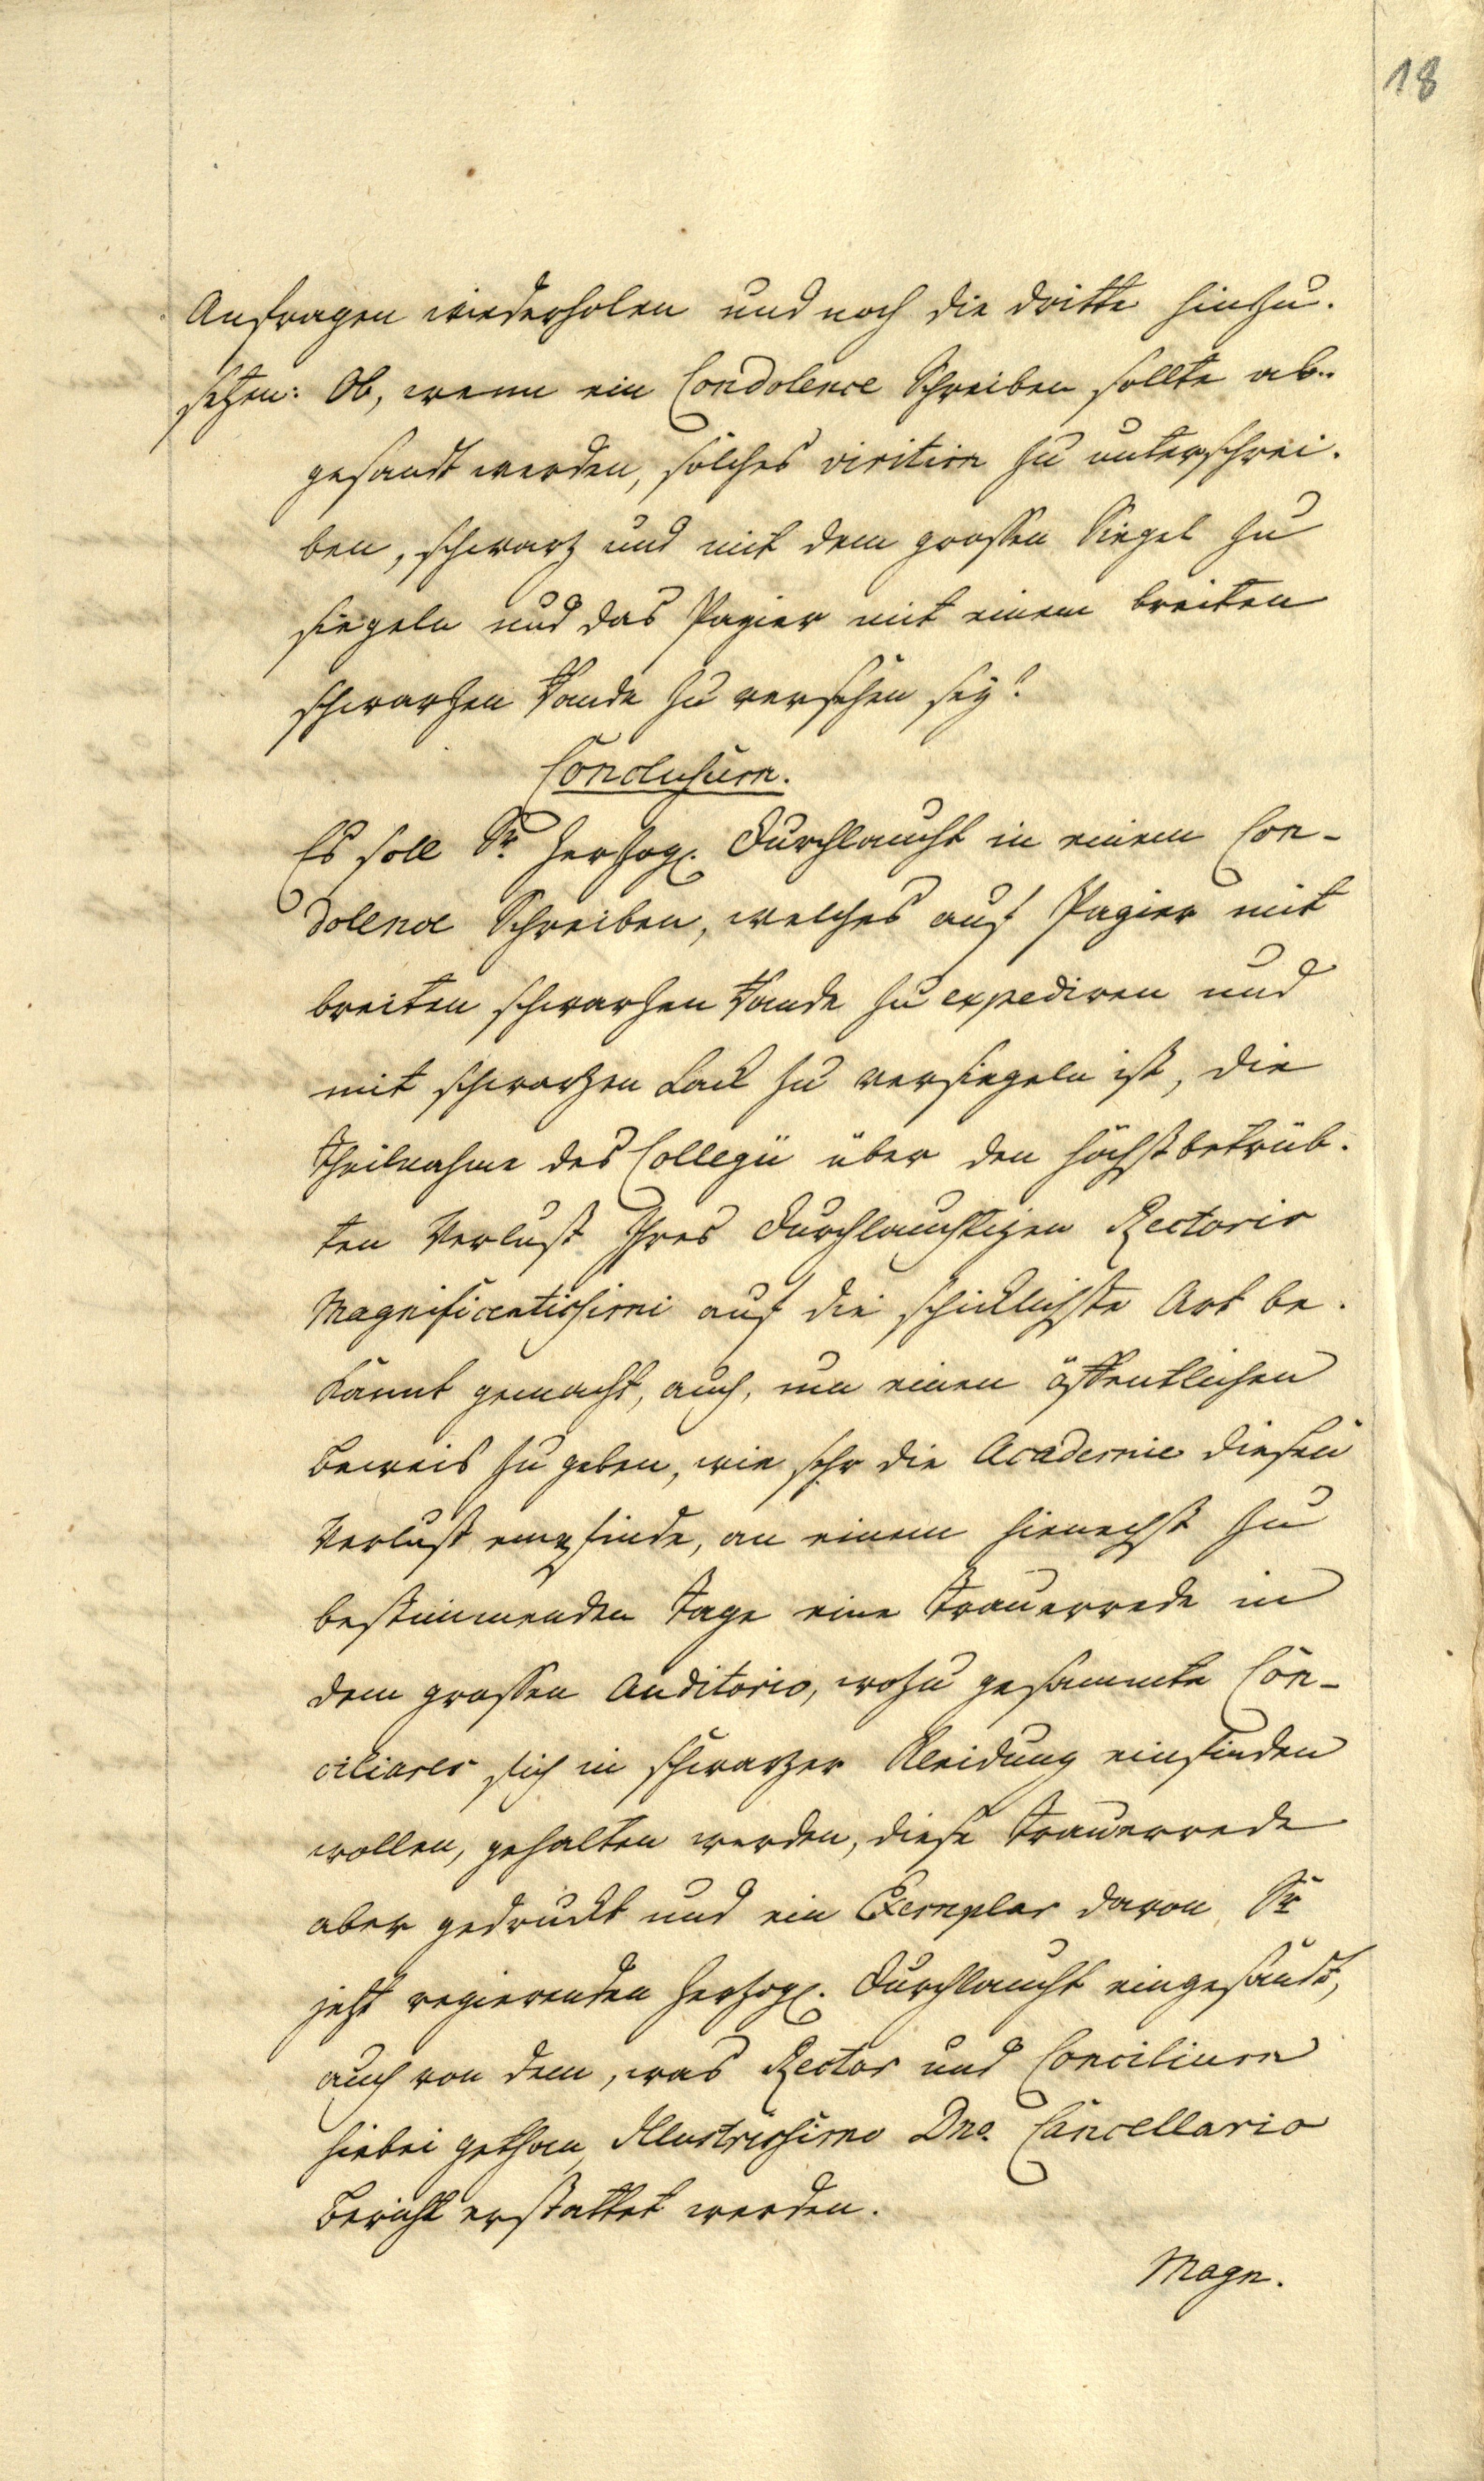Anfragen wiederholen und noch die dritte hinzu
setzen: Ob, wenn ein Condolence Schreiben sollte ab-
gesandt werden, solches viritim zu unterschrei-
ben, schwarz und mit dem grossen Siegel zu
siegeln und das Papier mit einem breiten
schwarzen Rande zu versehen sey?
Conclusum.
Es soll Sr. herzogl. Durchlaucht in einem Con-
dolence Schreiben, welches auf Papier mit
breiten schwarzen Rande zu expedieren und
mit schwarzen Lack zu versiegeln ist, die
Theilnahme des Collegii über den höchstbetrüb-
ten Verlust Ihres durchlauchtigen Rectoris
Magnificentissimi auf die schicklichste Art be-
kannt gemacht, auch, um einen öffentlichen
Beweis zu geben, wie sehr die Academie diesen
Verlust empfinde, an einem hienechst zu
bestimmenden Tage eine Trauerrede in
dem grossen Auditorio, wozu gesammete Con-
ciliares sich in schwarzer Kleidung einfinden
wollen, gehalten werden, diese Trauerrede
aber gedruckt und ein Exemplar davon Sr.
jetzt regierenden herzogl. Durchlaucht eingesandt,
auch von dem, was Rector und Concilium
hiebei gethan, Illustrissimo Dno. Cancellario
Bericht erstattet werden.
Magn.